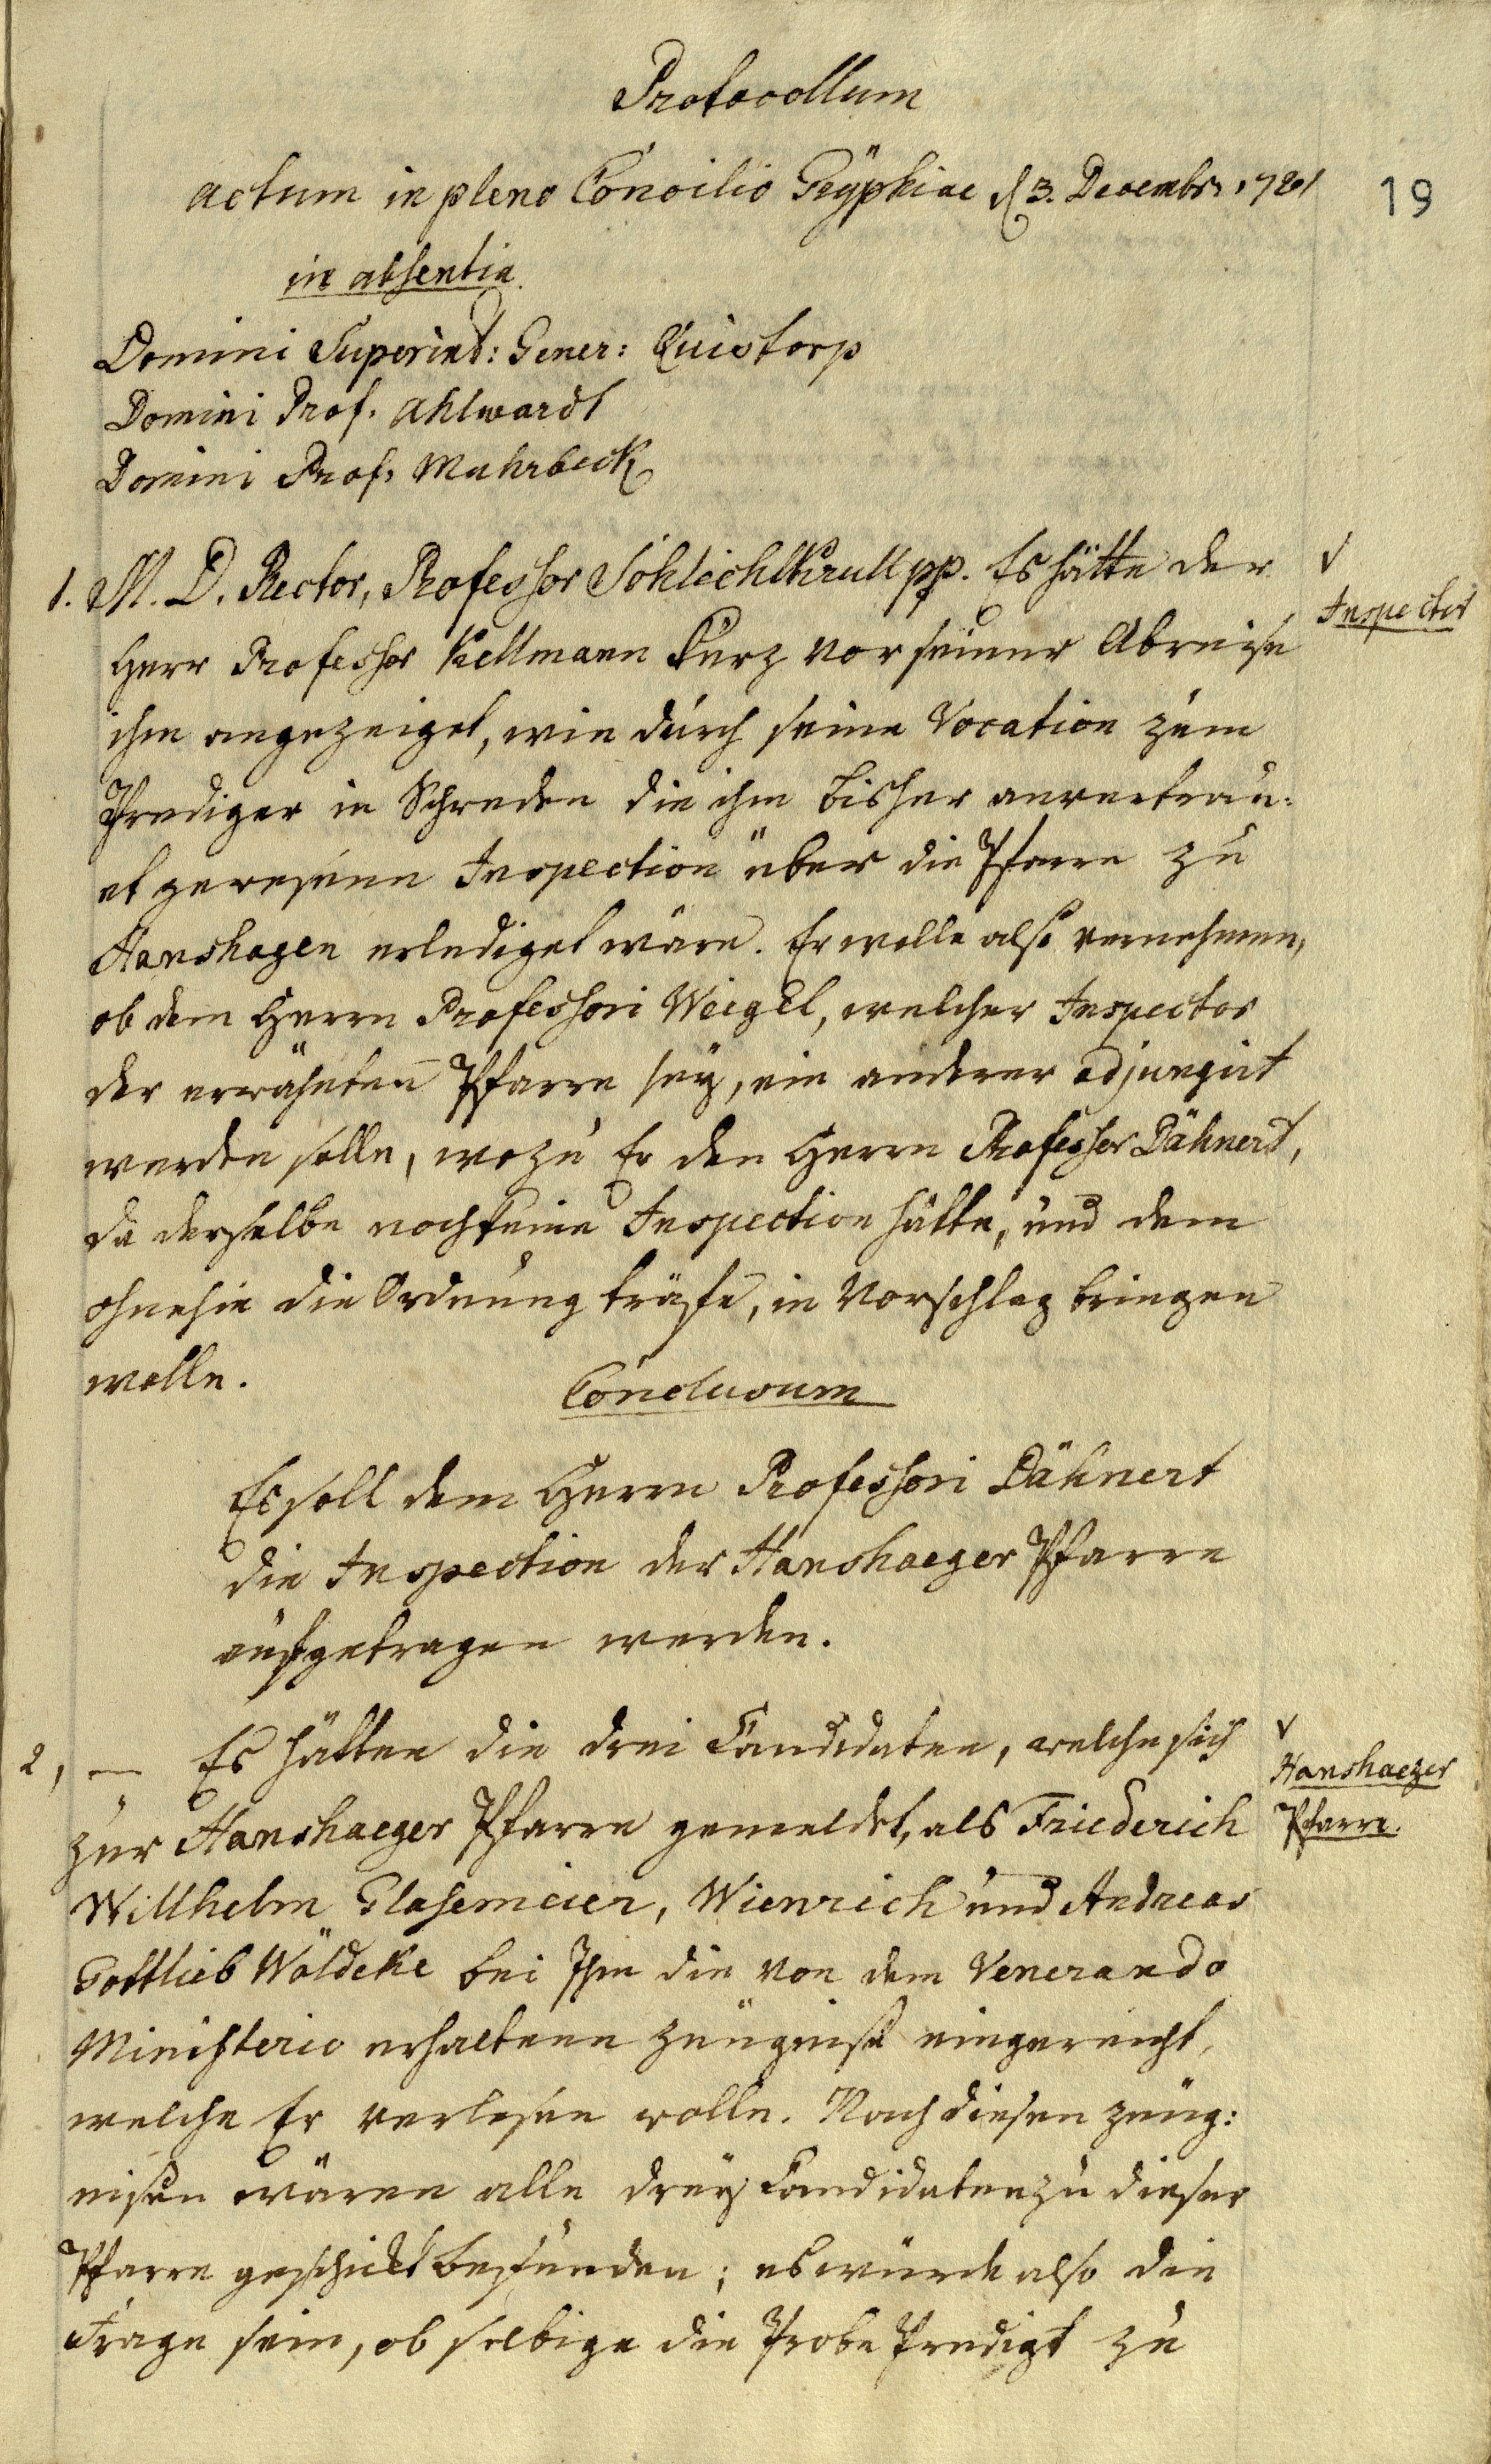Protocollum
actum in pleno Concilio Grÿphiae d. 3. Decembr: 1781
in absentia
Domini Superint:Gener: Quistorp
Domini Prof. Ahlwardt
Domini Prof. Muhrbeck
1. M. D. Rector, Professor Schlichtkrull pp. Es hätte der
Herr Professor Kellmann kurz vor seiner Abreise
ihm angezeiget, wie durch seine Vocation zum
Prediger in Schweden die ihm bisher anvertrau¬
et gewesene Inspection über ide Pfarre zu
Hanshagen erledigt wäre. Er wolle also vernehmen,
ob dem Herrn Professori Weigel, welcher Inspector
der erwähnten Pfarre seÿ ein anderer adjungirt
werden solle, wozu Er den Herrn Professor Dähnert,
da derselbe nochkeine Inspection hätte, und dem
ohnehin die Ordnung träfe, in Vorschlag bringen
wolle.
Conclusum
Es soll dem Herrn Professori Dähnert
die Inspection der Hanshaeger Pfarre
aufgetragen werden.
2. Es hätten die drei Candidaten, welche sich Hanshaeger
zur Hanshaeger Pfarre gemeldet, als Friederich Pfarre
Wilhelm Glasemeier, Wienrich und Andreas
Gottlieb Wöldeke bei Ihm die von dem Venerando
Ministerio erhaltene Zeugniße eingereicht
welche Er verlesen wolle. Nach diesen zeug¬
nißen wären alle dreÿ Candidaten zu dieser
Pfarre geschickt befunden, es würde also die
Frage sein, ob selbige die Probe Predigt zu